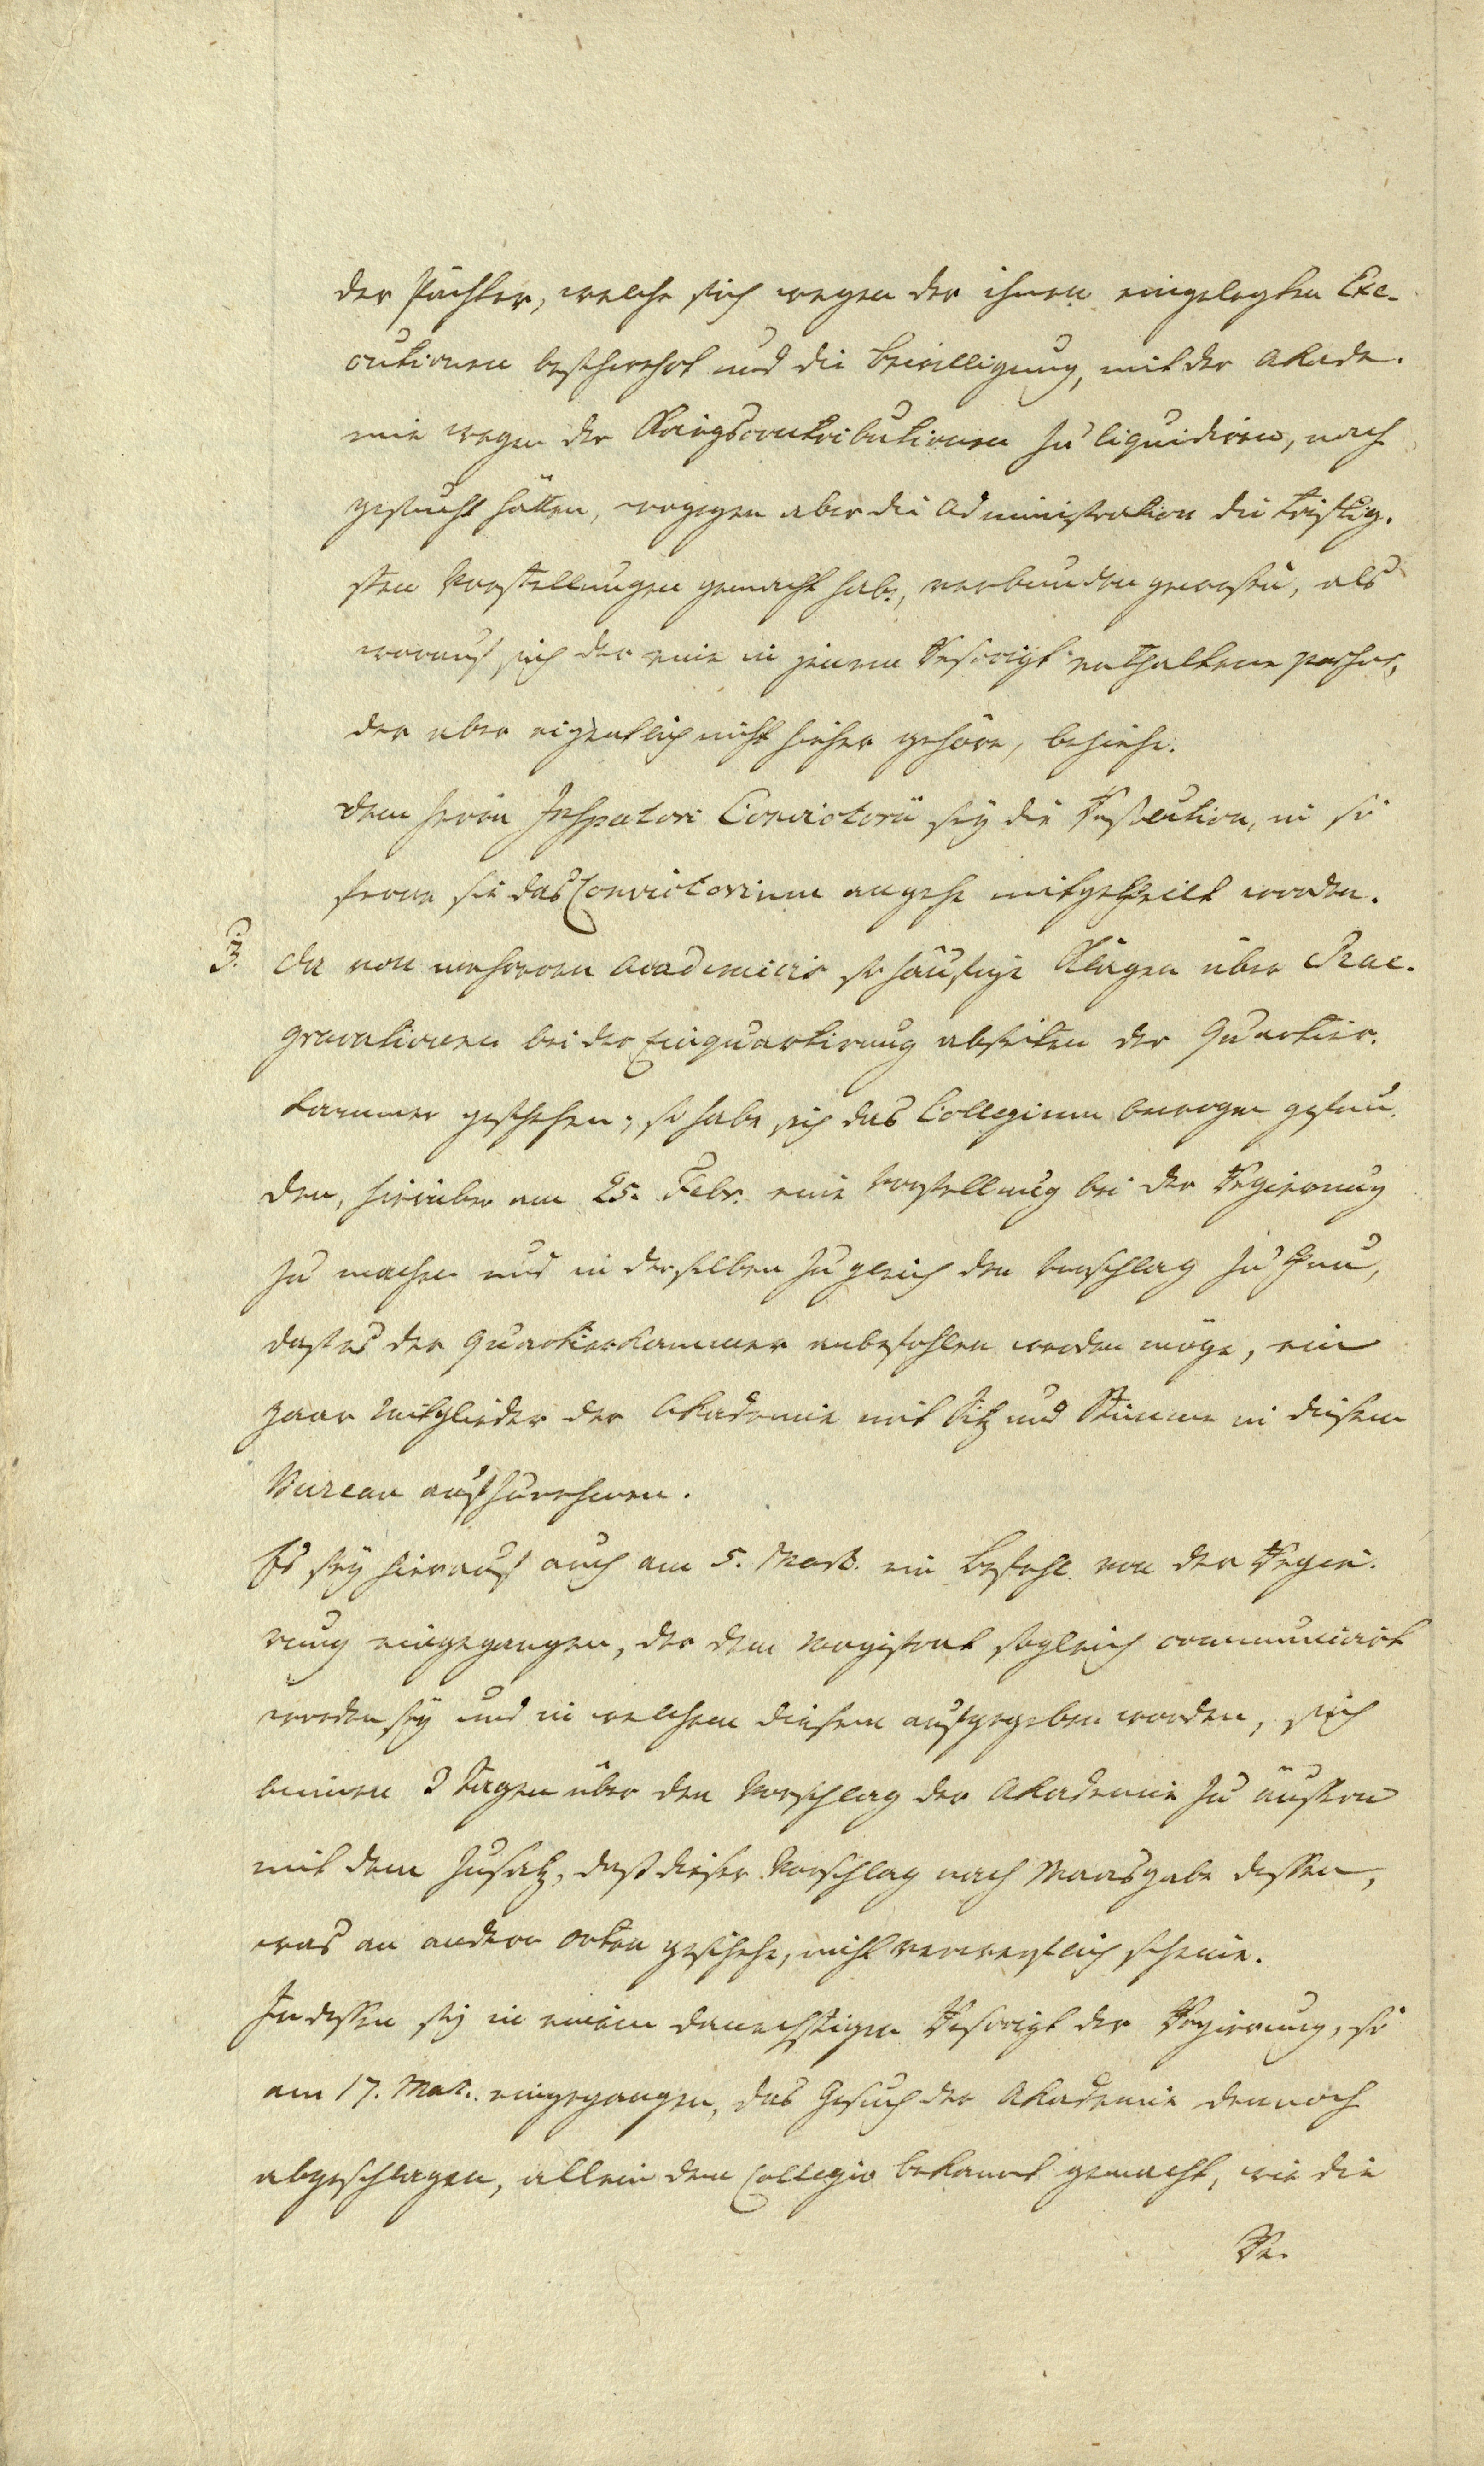der Pächter, welche sich wegen der ihnen eingelegten Exe¬
cutionen beschwehrt und die Bewilligung, mit der Akade¬
mie wegen der Kriegscontributionen zu liquidiren, nach¬
gesucht hätten, wogegen aber die Administration die triftig¬
sten Vorstellungen gemacht habe, verbunden gewesen, als
worauf sich der eine in jenem Rescript enthaltene passus,
der aber eigentlich nicht hieher gehöre, beziehe.
Dem Herrn Inspectore Convictorii seÿ die Resolution, in so
ferne sie das Convictorium angehe mitgetheilt worden.
3. Da von mehreren Academicis so häufige Klagen über Prae¬
gravationen bei der Einquartirung abseiten der Quartier¬
kammer geschehen, so habe sich das Collegium bewogen gefun¬
den, hierüber am 25. Febr. eine Vorstellung bei der Regierung
zu machen und in derselben zu gleich den Vorschlag zu thun,
daß es der Quartierkammer anbefohlen werden möge, ein
paar Mitglieder der Akademie mit Sitz und Stimme in diesem
Bureau aufzunehmen.
Er seÿ hierauf auch am 5. Mart. ein Befehl von der Regie¬
rung eingegangen, der dem Magistrat sogleich communicirt
worden seÿ und in welchem diesem aufgegeben worden, sich
binnen 3 Tagen über den Vorschlag der Akademie zu äussern
mit dem Zusatz, daß dieser Vorschlag nach Maasgabe dessen,
was an andern Orten geschehe, nicht verwerflich scheine.
In dessen seÿ in einem danechstigen Rescript der Regierung, so
am 17. Mart. eingegangen, das Gesuch der Akademie dennoch
abgeschlagen, allein dem Collegio bekannt gemacht, wie die
Re.